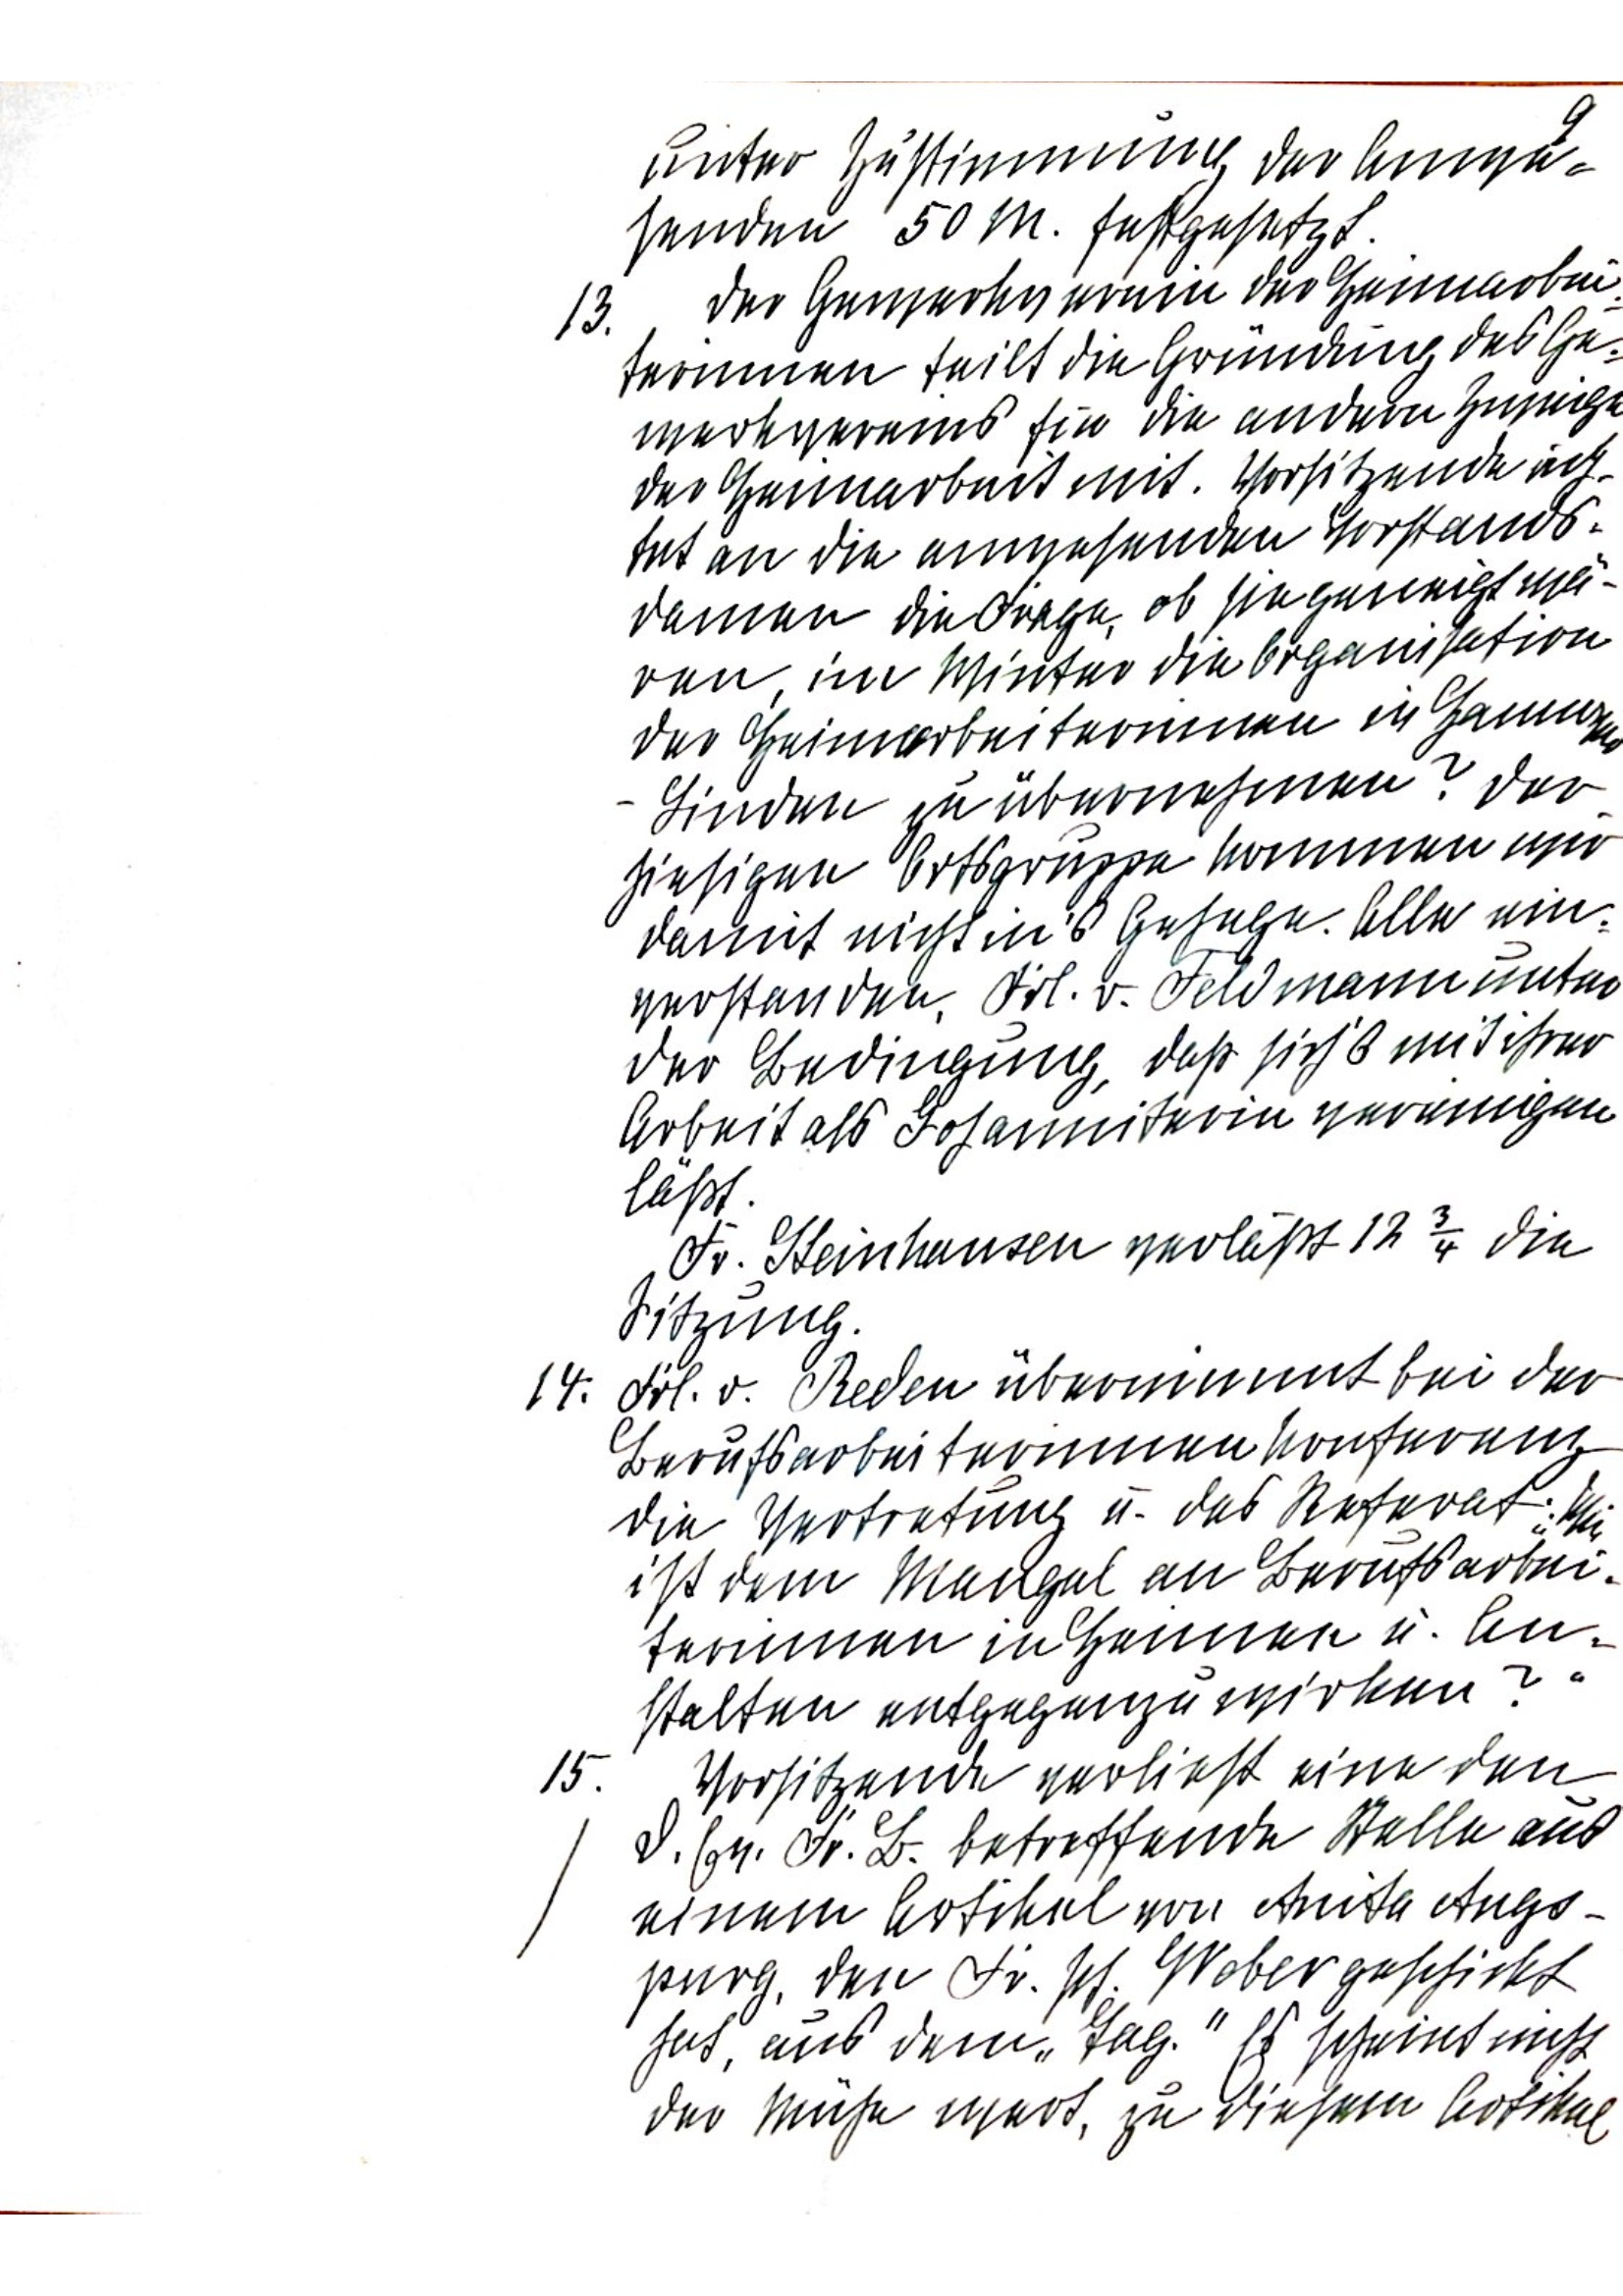14.
15.
13.
unter Zustimmung der Anwe
senden 50 M festgesetzt.
Der Gewerksverein der Heimarbei
terinnen teil die Gründing des Ge-
werkvereins für die anderen Zweige
der Heimarbeit mit. Vorsitzende rich
tet an die anwesenden Vorstands
damen die Frage, ob sie geneigt wä
ren im Winter die Organisation
der Heimarbeiterinnen in Hanns-
Sinchen zu übernehmen? Der
zeitigen Ortsgruppe kommen wir
damit nicht in's Gehege. Alle ein
verstanden. Frl. v. Feldmann unter
der Bedingung, daß sich's mit ihrer
Arbeit als Johanniterin vereinigen
läßt.
Fr. Steinhausen verläßt 12¾ die
Sitzung.
Frl. v. Beelen übernimmt bei der
Berufsarbeiterinnenkonferenz
den Vertretung u, das Referat: „Wie
ist dem Mangel an Berufsarbei
terinnen in Heimen u. An
stalten entgegenzuwirken?"
Vorsitzende verließt eine den
D. Ev. Fr. B. betreffende Stelle aus
einem Artikel von Anita Augs-
purg, den Fr. Pf. Weber geschickt
hat, aus dem „Tag" Es scheint nicht
der Mühe wert, zu diesem Artikel